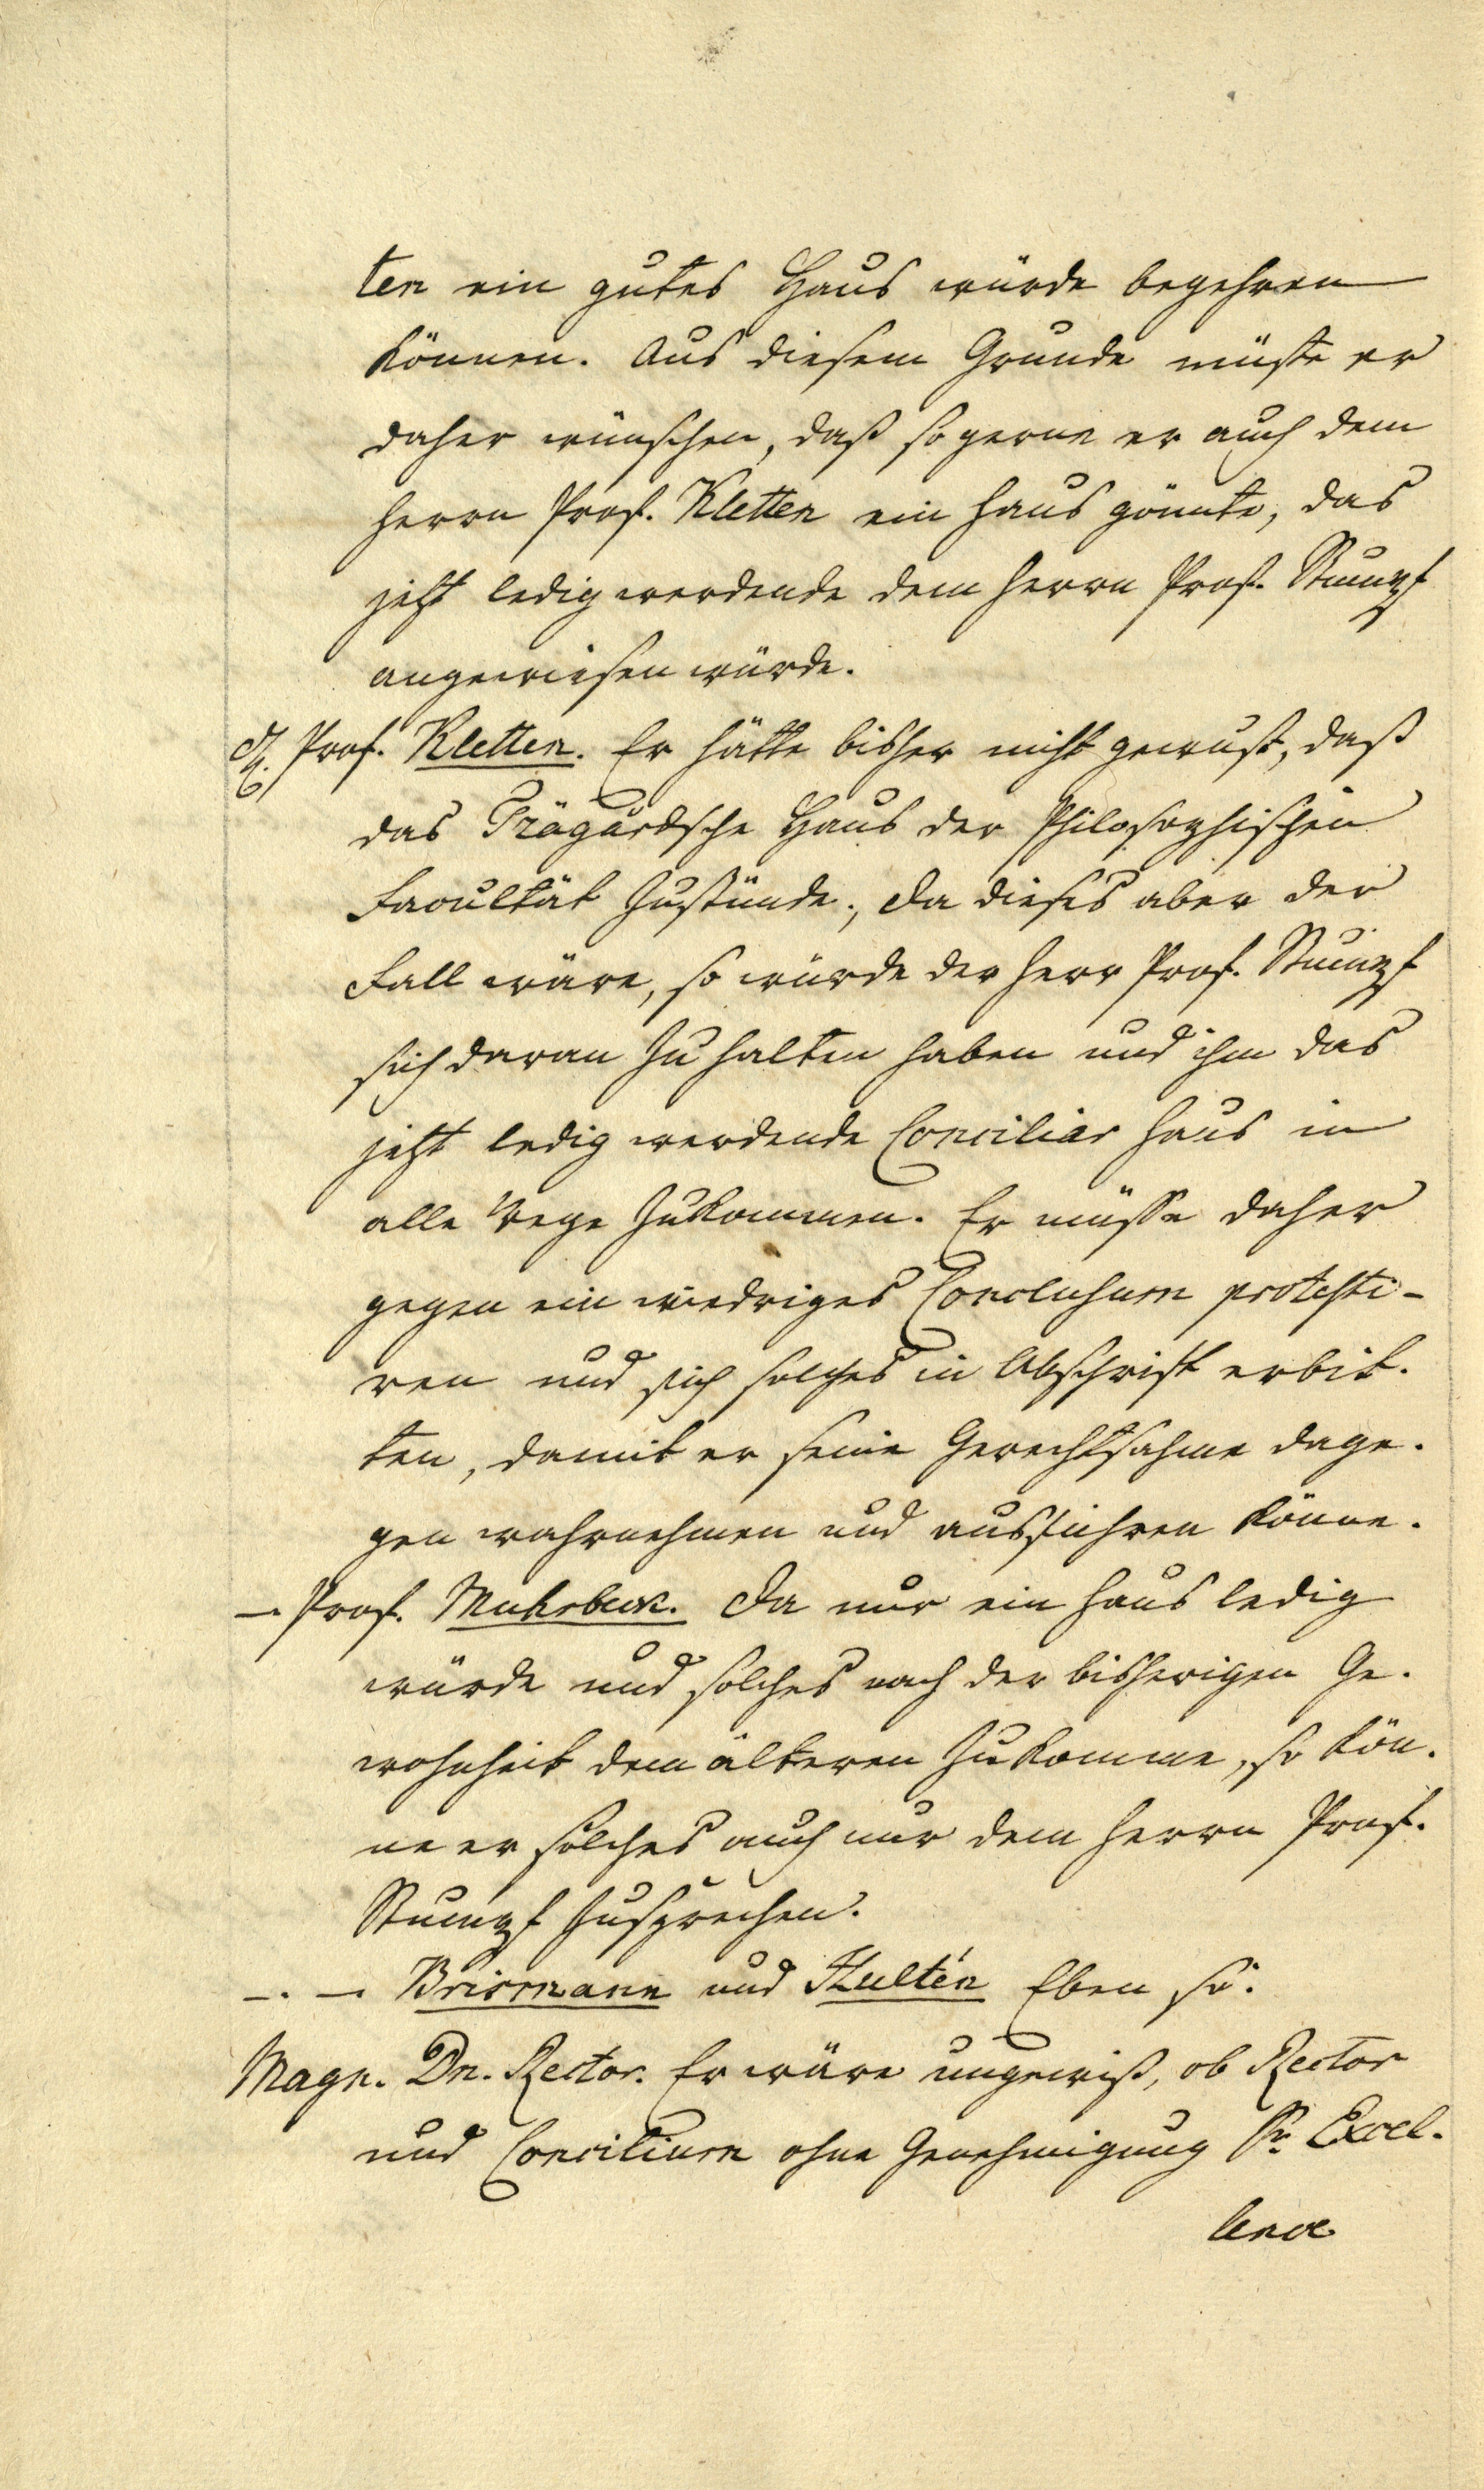ten ein gutes Haus würde begehren
können. Aus diesem Grunde müßte er
daher wünschen, daß so gerne er auch dem
Herrn Prof. Kletten ein Haus gönnte, das
jetzt ledig werdende dem Herrn Prof. Stumpf
angewiesen würde.
dh. Prof. Kletten. Er hätte bisher nicht gewußt, daß
das Trägårdsche Haus der Philosophischen
Facultät zustünde, da dieses aber der
Fall wäre, so würde der Herr Prof. Stumpf
sich daran zu halten haben und ihm das
jetzt ledig werdende Conciliar Haus in
alle Wege zukommen. Er müsse daher
gegen ein wiedriges Conclusum protesti¬
ren und sich solches in Abschrift erbit¬
ten, damit er seine Gerechtsahme dage¬
gen wahrnehmen und ausführen könne.
Prof. Muhrbeck. Da nur ein Haus ledig
würde und solches nach der bisherigen Ge¬
wohheit dem älteren zukomme, so kön¬
ne er solches auch nur dem Herrn Prof.
Stumpf zusprechen.
Brismann und Hultén Eben so.
Magn. Dn. Rector. Er wäre ungewiß, ob Rector
und Concilium ohne Genehmigung Sr Excel¬
lence